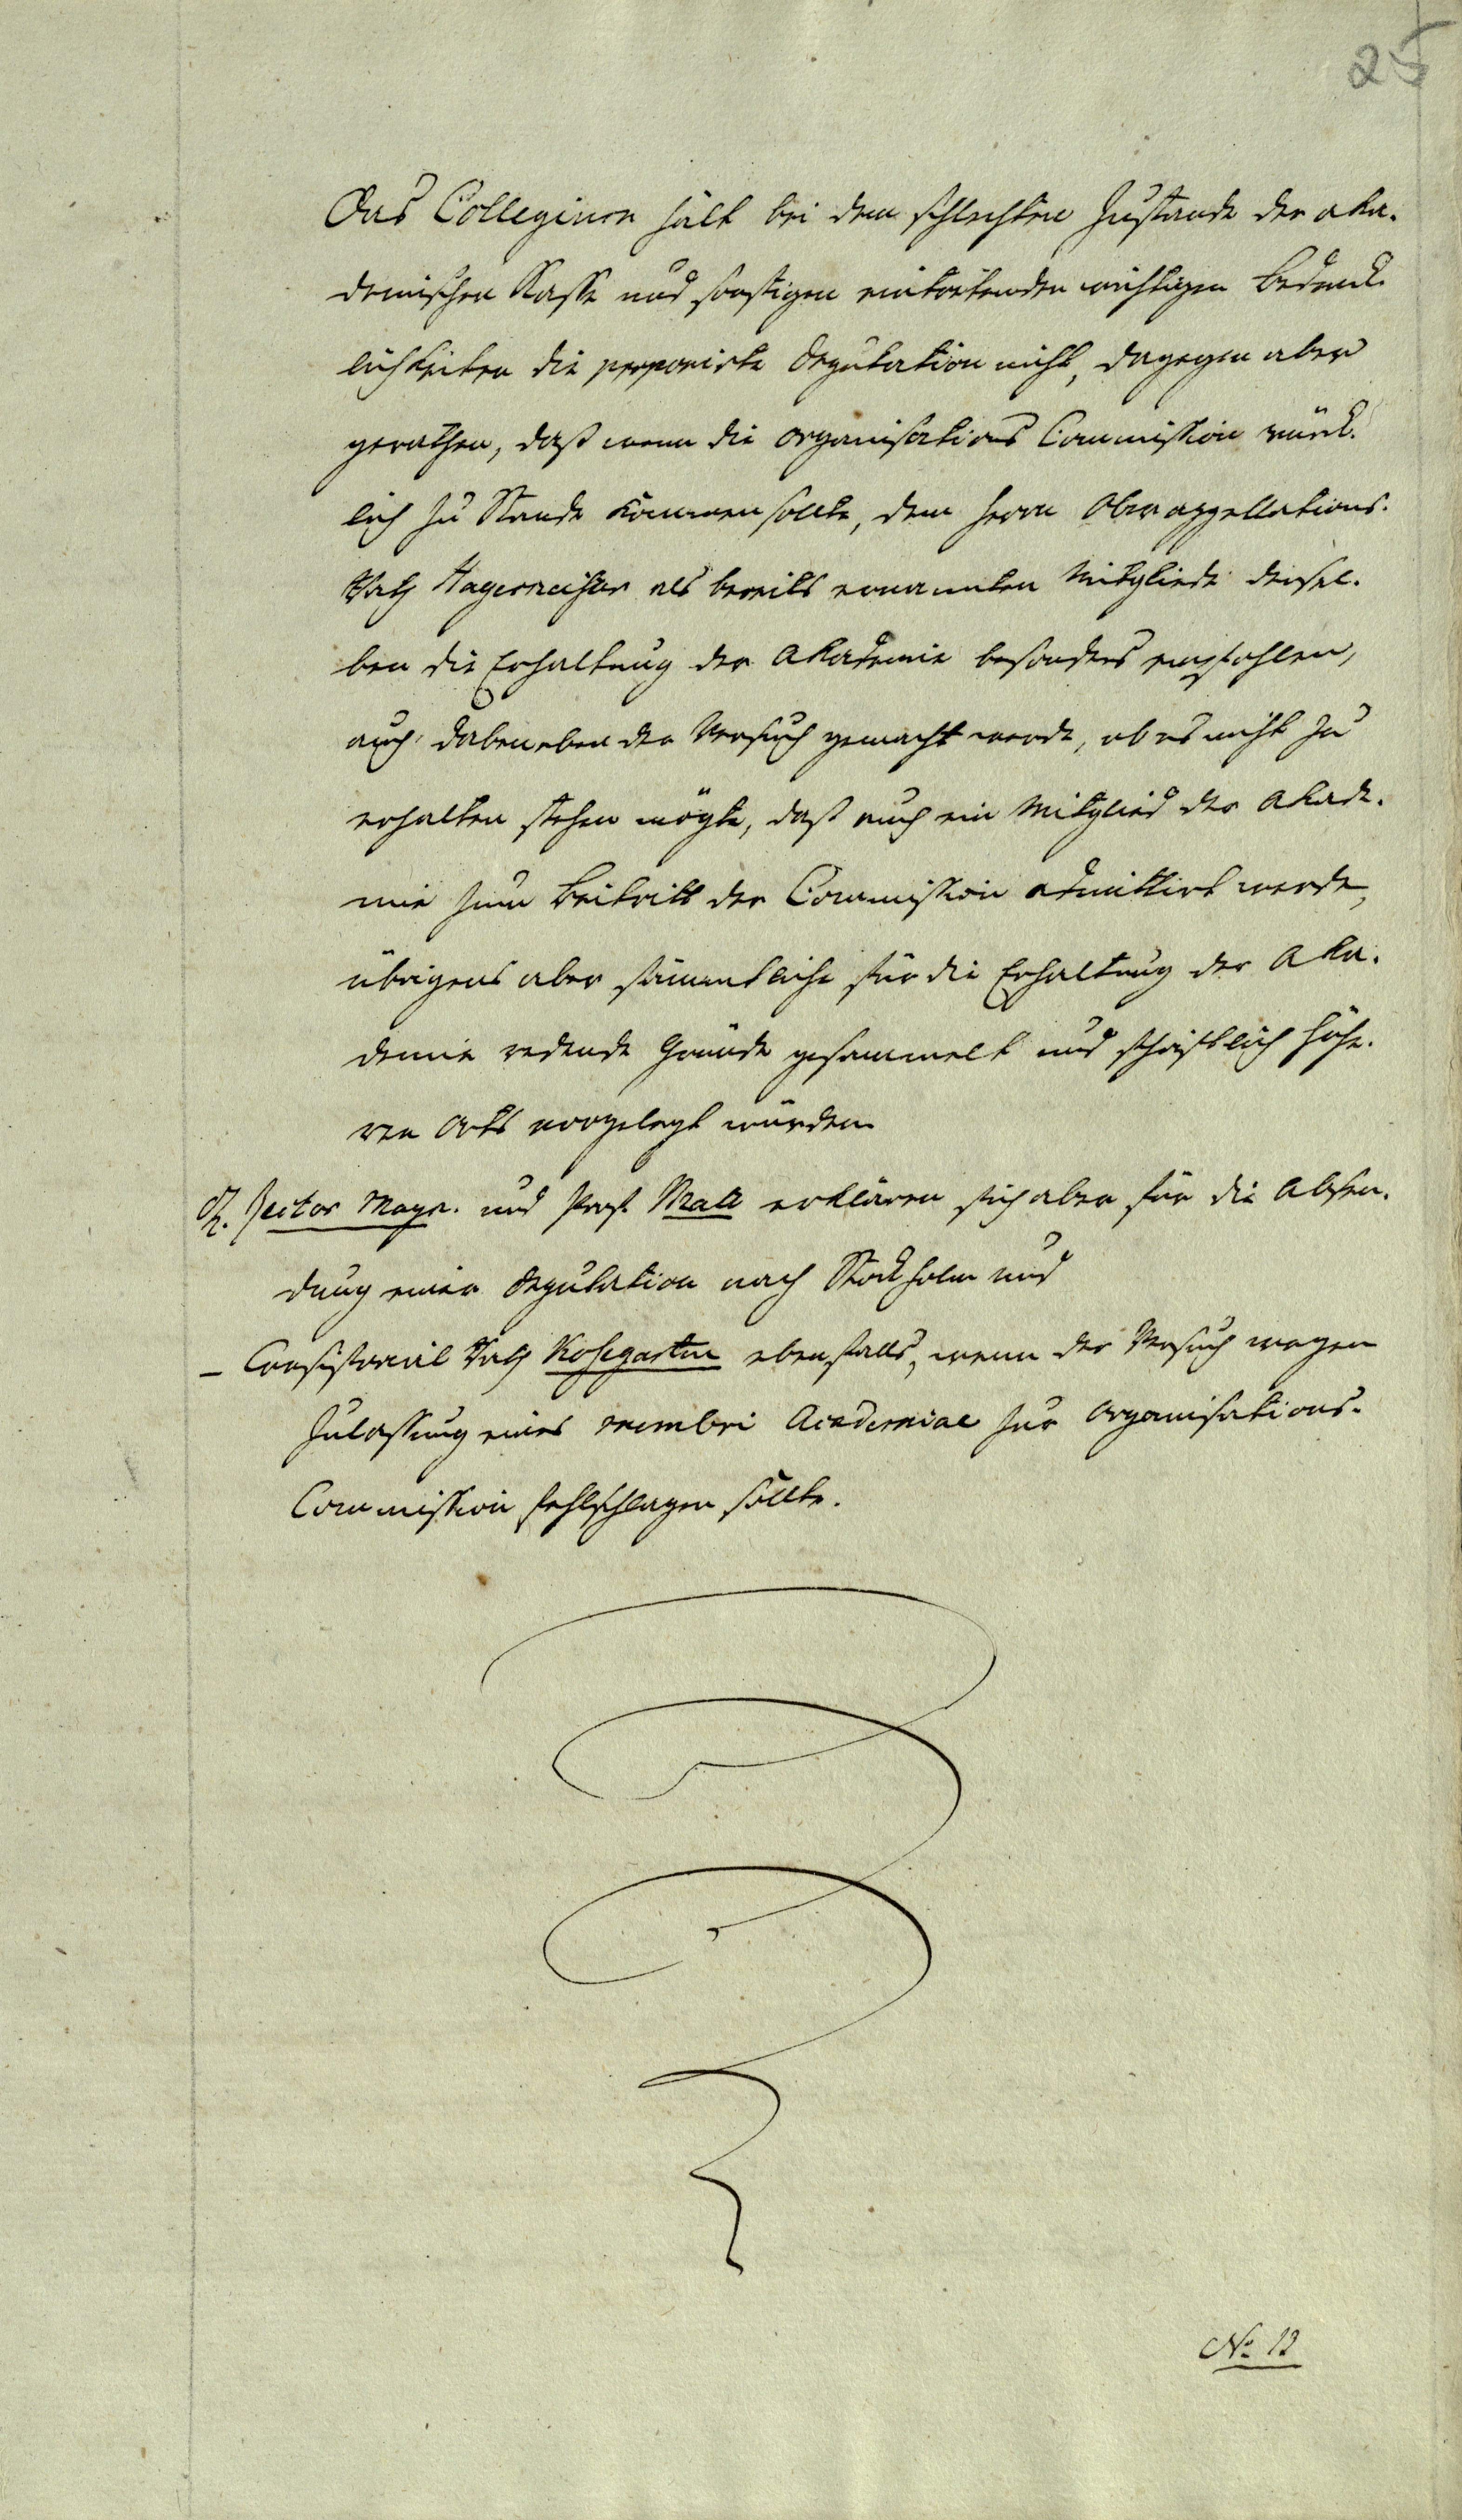Das Collegium hält bei dem schlechten Zustande der aka¬
demischen Kasse und sonstigen eintretenden wichtigen Bedenk¬
lichkeiten die proponirte Deputation nicht, dagegen aber
gerathen, daß wenn die Organisations Commission würk¬
lich zu Stande kommen sollte, dem Herrn Oberappellations¬
Rath Hagemeister als bereits ernannten Mitgliede dersel¬
ben die Erhaltung der Akademie besonders empfohlen,
auch dabeneben der Versuch gemacht werde, ob es nicht zu
erhalten stehen mögte, daß auch ein Mitglied der Akade¬
mie zum Beitritt der Commission admittirt werde,
übrigens aber sämmtliche für die Erhaltung der Aka¬
demie redende Gründe gesammelt und schriftlich höhe¬
ren Orts vorgelegt würden.
dh. Rector Magn. und Prof. Bratt erklären sich aber für die Absen¬
dung einer Deputation nach Stockholm und
Consistorial Rath Kosegarten ebenfalls, wenn der Versuch wegen
Zulassung eines membri Academiae zur Organisations¬
Commission fehlschlagen sollte.
No 13